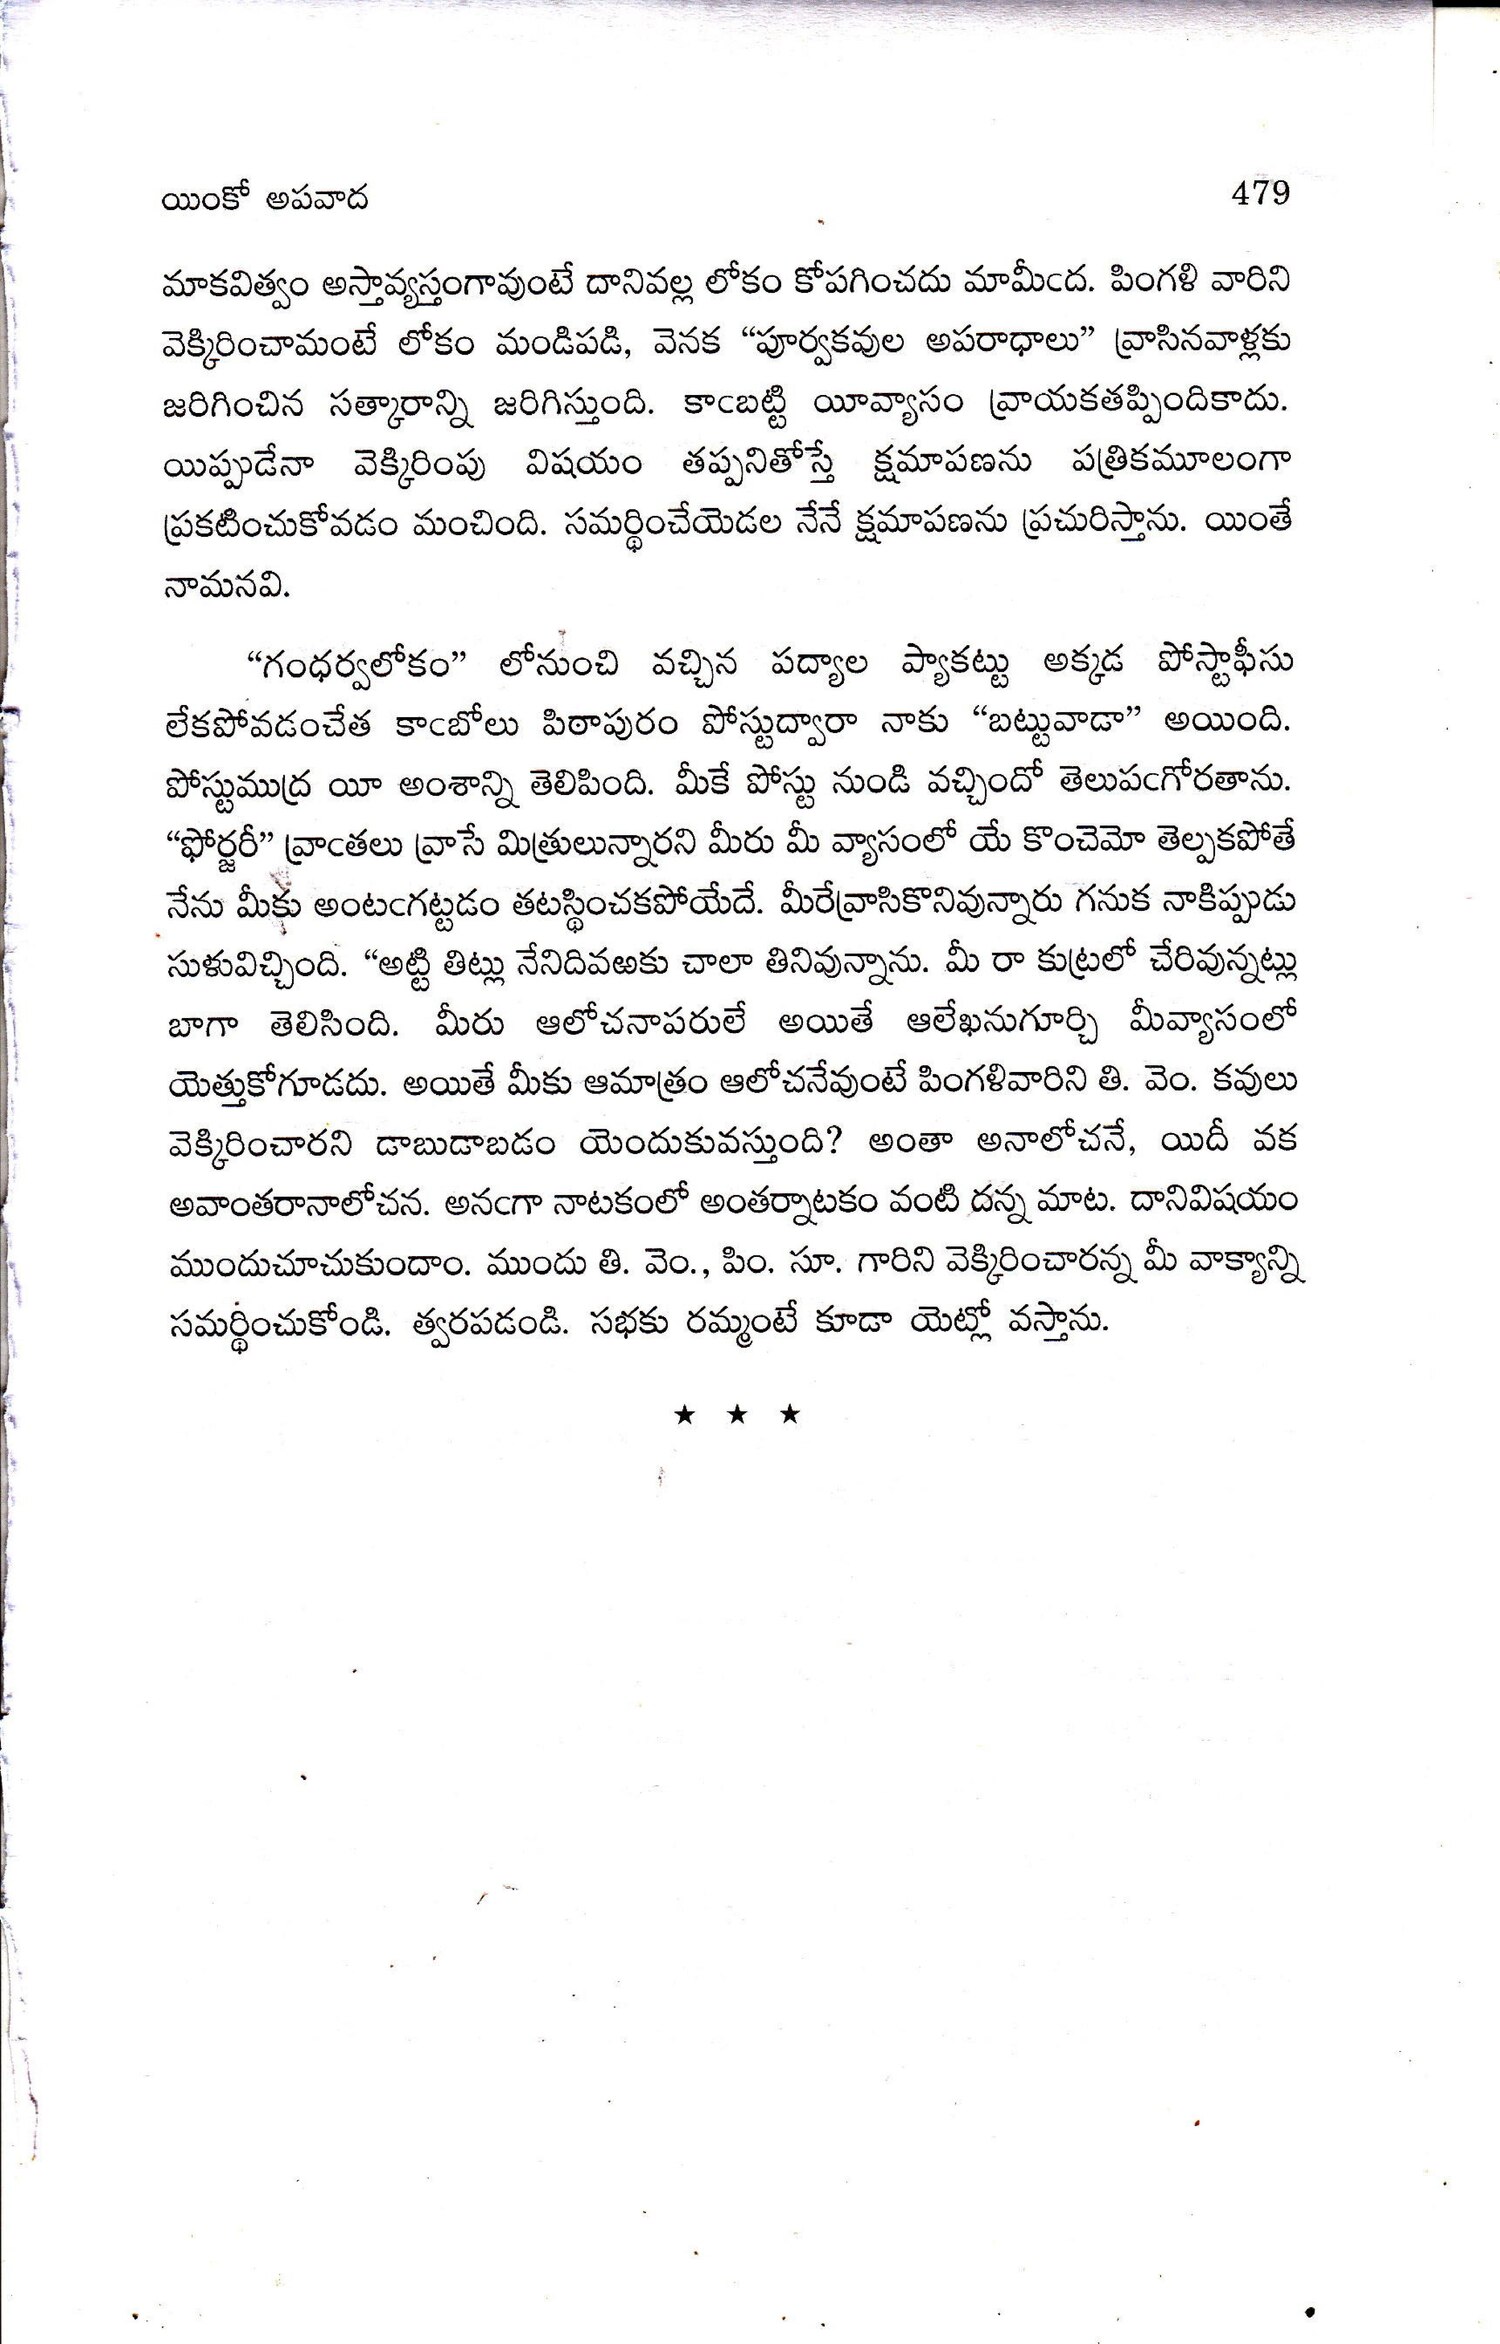మాకవిత్వం అస్తావ్యస్తంగావుంటే దానివల్ల లోకం కోపగించదు మామీఁద. పింగళి వారిని వెక్కిరించామంటే లోకం మండిపడి, వెనక “పూర్వకవుల అపరాధాలు" వ్రాసినవాళ్లకు జరిగించిన సత్కారాన్ని జరిగిస్తుంది. కాఁబట్టి యీవ్యాసం వ్రాయకతప్పిందికాదు. యిప్పుడేనా వెక్కిరింపు విషయం తప్పనితోస్తే క్షమాపణను పత్రికమూలంగా ప్రకటించుకోవడం మంచింది. సమర్థించేయెడల నేనే క్షమాపణను ప్రచురిస్తాను. యింతే నామనవి.

"గంధర్వలోకం" లోనుంచి వచ్చిన పద్యాల ప్యాకట్టు అక్కడ పోస్టాఫీసు లేకపోవడంచేత కాఁబోలు పిఠాపురం పోస్టుద్వారా నాకు “బట్టువాడా" అయింది. పోస్టుముద్ర యీ అంశాన్ని తెలిపింది. మీకే పోస్టు నుండి వచ్చిందో తెలుపఁగోరతాను. "ఫోర్జరీ" వ్రాఁతలు వ్రాసే మిత్రులున్నారని మీరు మీ వ్యాసంలో యే కొంచెమో తెల్పకపోతే నేను మీకు అంటఁగట్టడం తటస్థించకపోయేదే. మీరేవ్రాసికొనివున్నారు గనుక నాకిప్పుడు సుళువిచ్చింది. "అట్టి తిట్లు నేనిదివఱకు చాలా తినివున్నాను. మీ రా కుట్రలో చేరివున్నట్లు బాగా తెలిసింది. మీరు ఆలోచనాపరులే అయితే ఆలేఖనుగూర్చి మీవ్యాసంలో యెత్తుకోగూడదు. అయితే మీకు ఆమాత్రం ఆలోచనేవుంటే పింగళివారిని తి. వెం. కవులు వెక్కిరించారని డాబుడాబడం యెందుకువస్తుంది? అంతా అనాలోచనే, యిదీ వక అవాంతరానాలోచన. అనఁగా నాటకంలో అంతర్నాటకం వంటి దన్నమాట. దానివిషయం ముందుచూచుకుందాం. ముందు తి. వెం., పిం, సూ, గారిని వెక్కిరించారన్న మీ వాక్యాన్ని సమర్థించుకోండి. త్వరపడండి. సభకు రమ్మంటే కూడా యెట్లో వస్తాను.